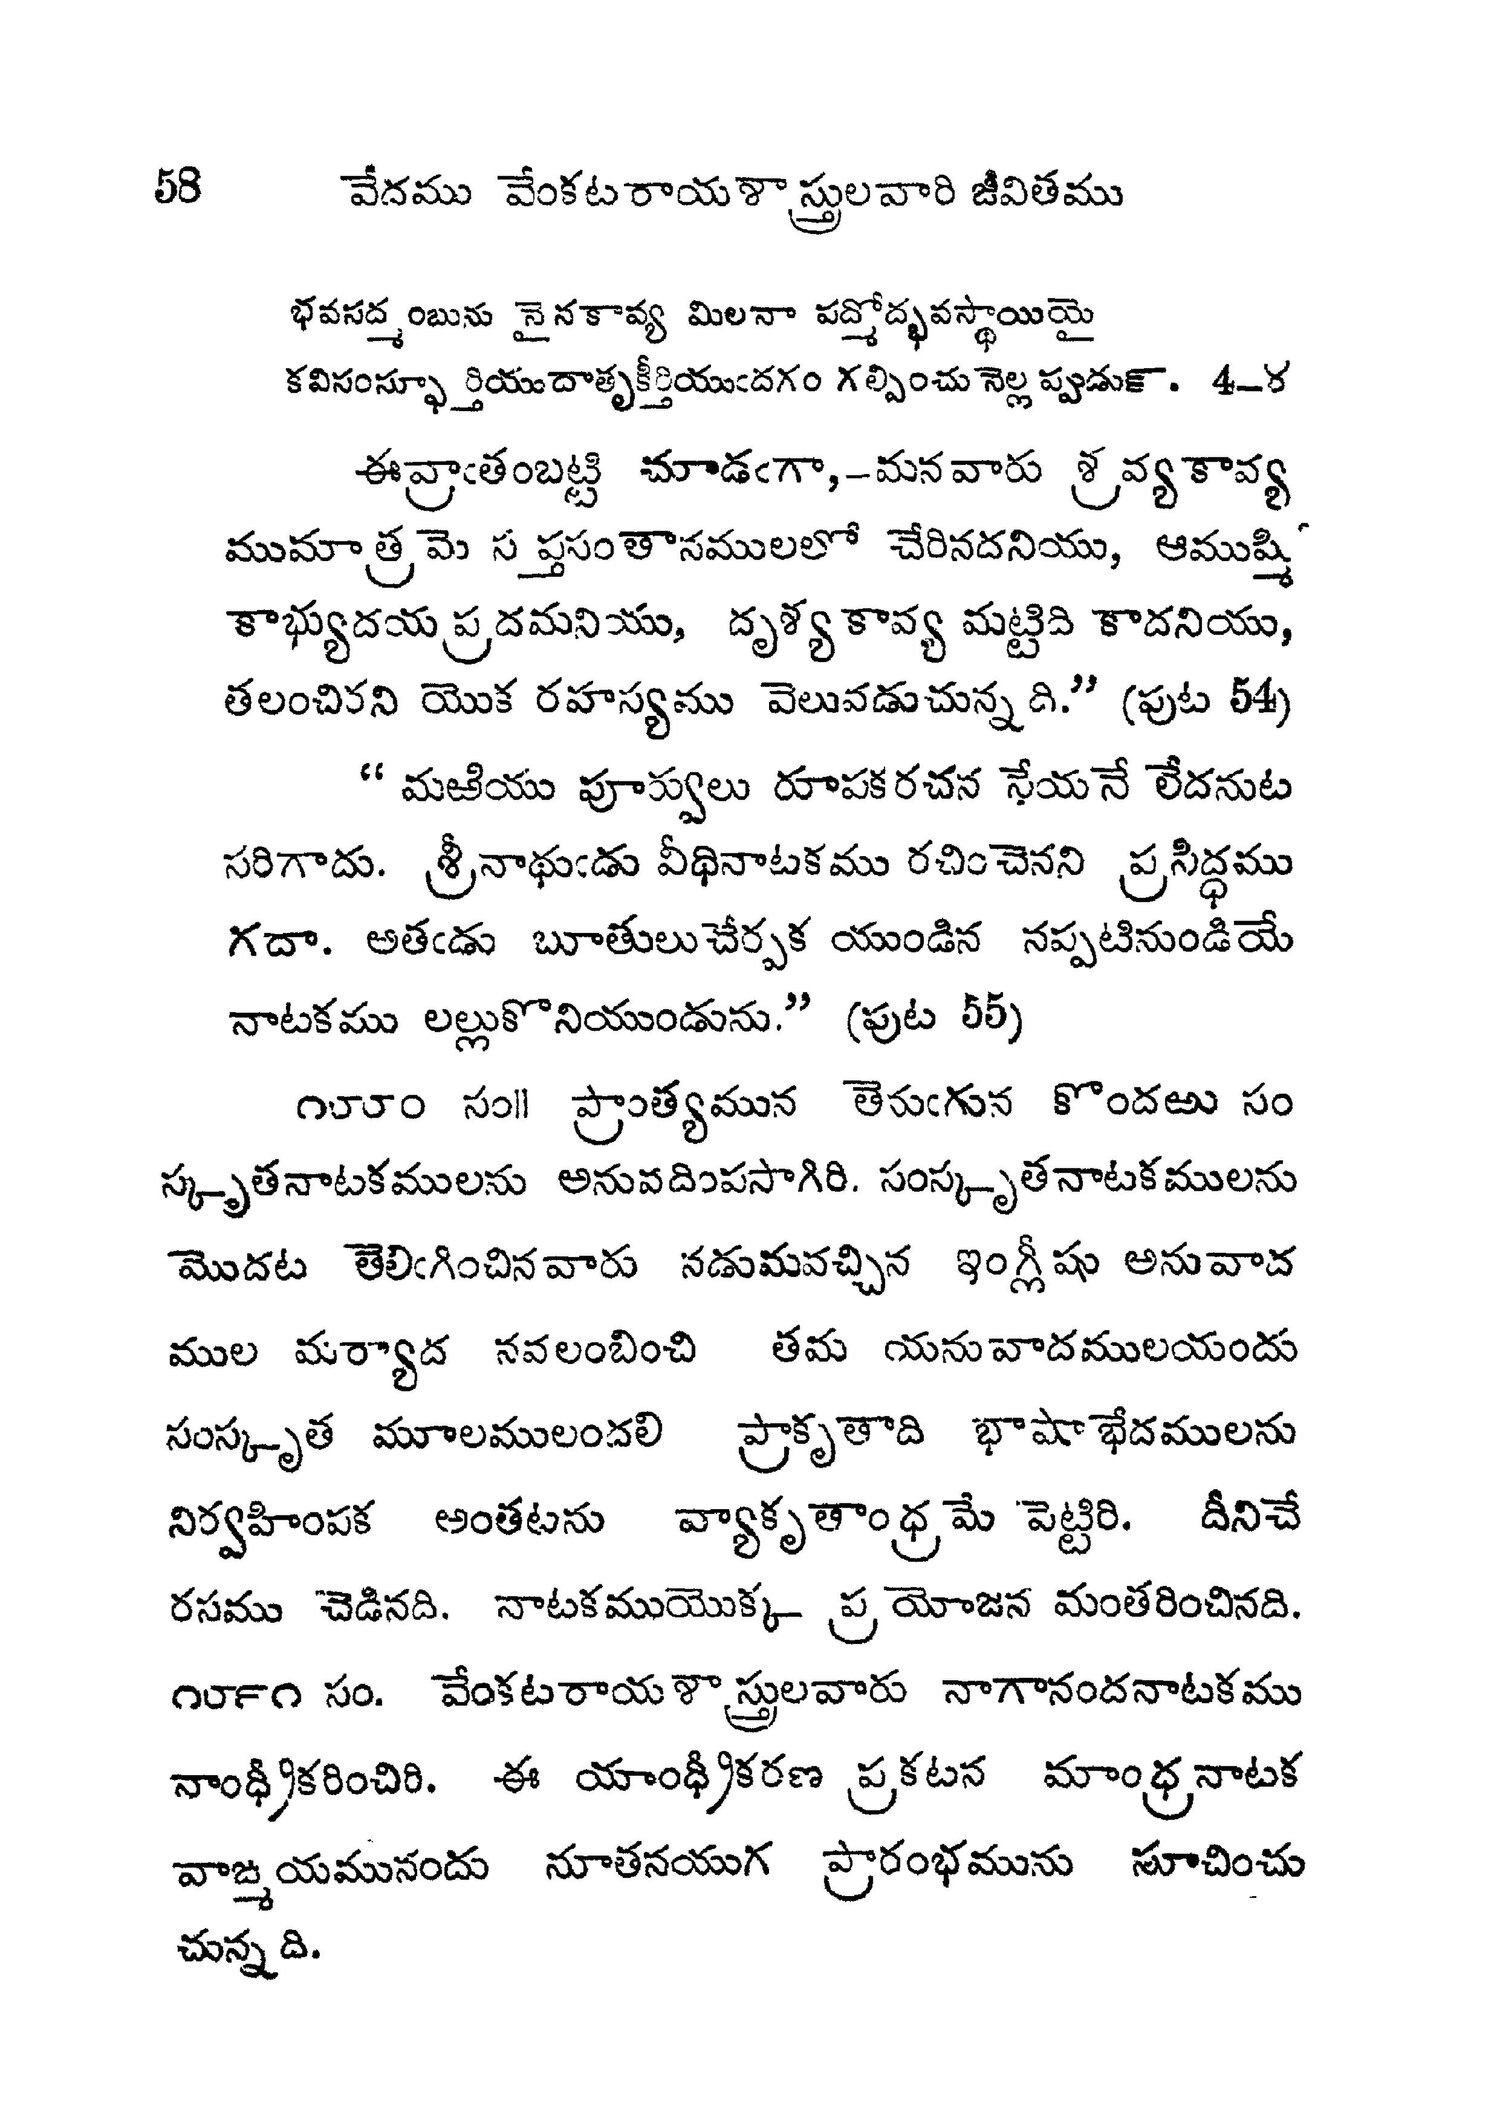భవసద్మంబును నైనకావ్య మిలనా పద్మోద్భవస్థాయియై
 కవిసంస్ఫూర్తియు దాతృకీర్తియుదగం గల్పించునెల్లప్పుడున్.

ఈవ్రాతంబట్టి చూడగా,- మనవారు శ్రవ్యకావ్యముమాత్రమె సప్తసంతానములలో చేరినదనియు, ఆముష్మికాభ్యుదయప్రదమనియు, దృశ్యకావ్య మట్టిది కాదనియు, తలంచిరని యొక రహస్యము వెలువడుచున్నది." (పుట 54)

"మఱియు పూర్వులు రూపకరచన సేయనే లేదనుట సరిగాదు. శ్రీనాథుడు వీథినాటకము రచించెనని ప్రసిద్ధము గదా. అతడు బూతులుచేర్పక యుండిన నప్పటినుండియే నాటకము లల్లుకొనియుండును." (పుట 55)

1880 సం. ప్రాంత్యమున తెనుగున కొందఱు సంస్కృతనాటకములను అనువదింపసాగిరి. సంస్కృతనాటకములను మొదట తెలిగించినవారు నడుమవచ్చిన ఇంగ్లీషు అనువాదముల మర్యాద నవలంబించి తమ యనువాదములయందు సంస్కృత మూలములందలి ప్రాకృతాది భాషాభేదములను నిర్వహింపక అంతటను వ్యాకృతాంధ్రమే పెట్టిరి. దీనిచే రసము చెడినది. నాటకముయొక్క ప్రయోజన మంతరించినది. 1891 సం. వేంకటరాయశాస్త్రులవారు నాగానందనాటకము నాంధ్రీకరించిరి. ఈ యాంధ్రీకరణ ప్రకటన మాంధ్రనాటక వాఙ్మయమునందు నూతనయుగ ప్రారంభమును సూచించు చున్నది.